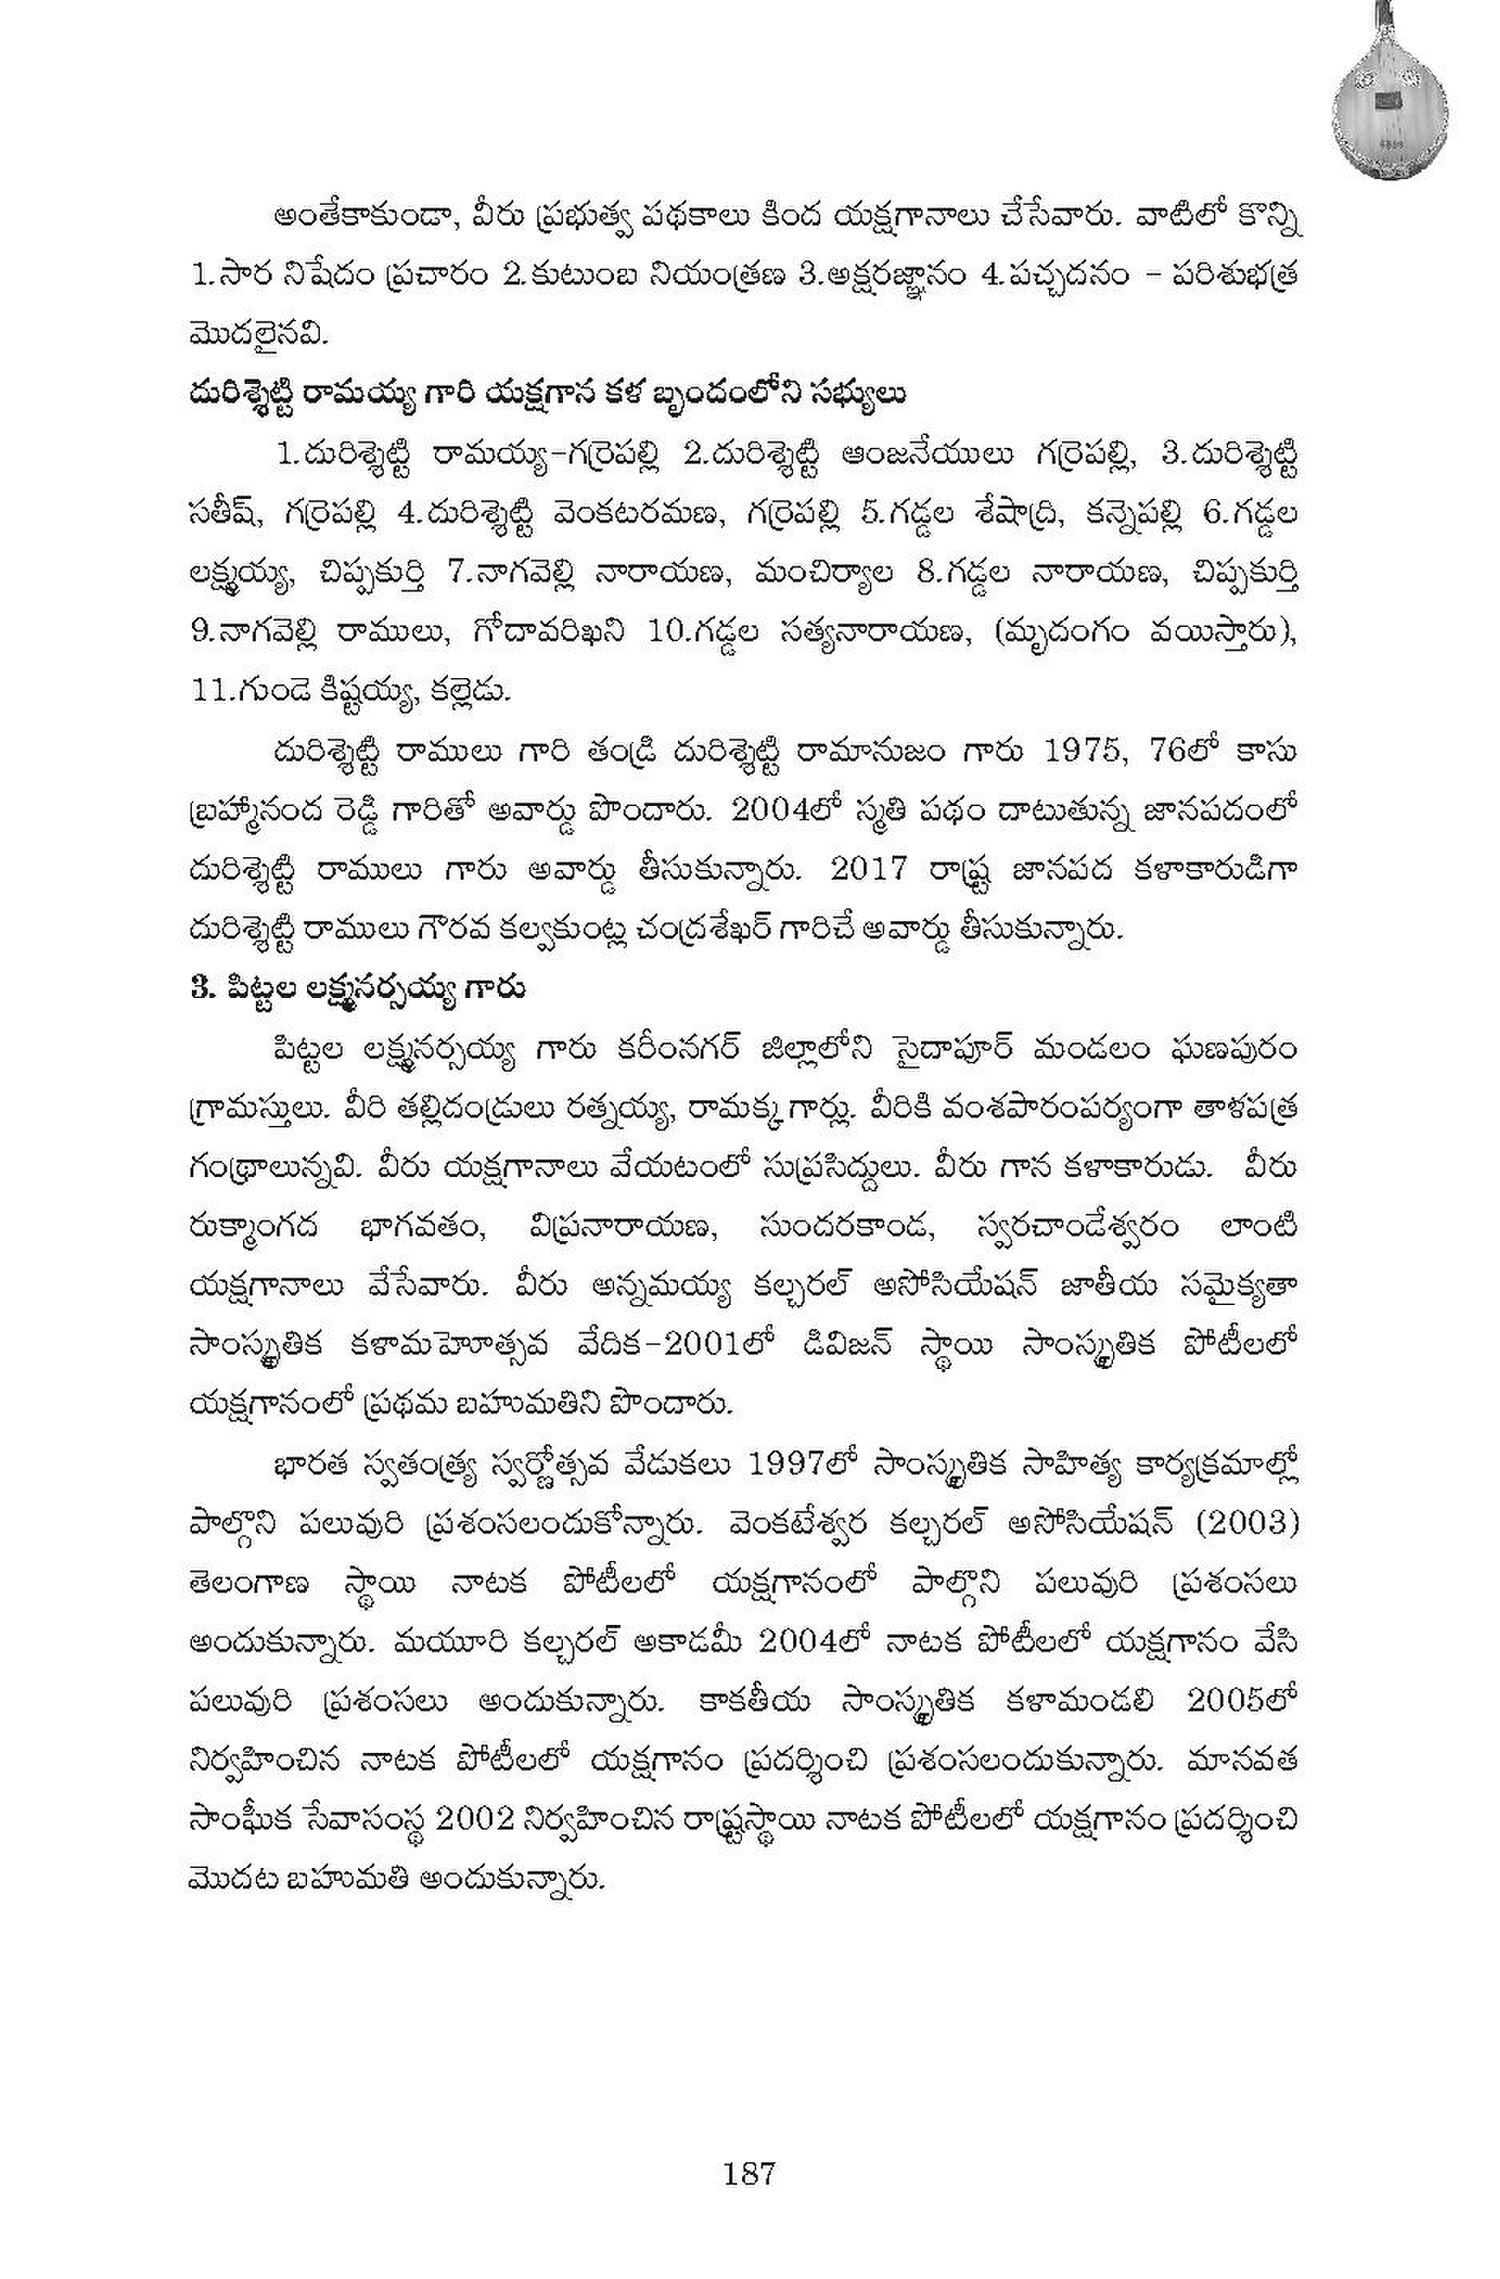అంతేకాకుండా, వీరు ప్రభుత్వ పథకాలు కింద యక్షగానాలు చేసేవారు. వాటిలో కొన్ని1.సార నిషేదం ప్రచారం 2. కుటుంబ నియంత్రణ 3. అక్షరజ్ఞానం 4. పచ్చదనం - పరిశుభత్ర
మొదలైనవి.

దురిశ్శెట్టి రామయ్య గారి యక్షగాన కళ బృందంలోని సభ్యులు 

1. దురిశెట్టి రామయ్య- గర్రెపల్లి 2. దురిశెశెట్టి ఆంజనేయులు గర్రెపల్లి, 3. దురిశెట్టిసతీష్, గర్రెపల్లి 4. దురిశెట్టి వెంకట రమణ, గర్రెపల్లి 5. గడ్డల శేషాద్రి, కన్నెపల్లి 6. గడ్డల లక్ష్మయ్య, చిప్పకుర్తి 7. నాగవెల్లి నారాయణ, మంచిర్యాల 8. గడ్డల నారాయణ, చిప్పకుర్తి 9. నాగవెల్లి రాములు, గోదావరిఖని 10. గడ్డల సత్యనారాయణ, (మృదంగం వయిస్తారు),
11.గుండె కిష్టయ్య, కల్లెడు.

దురిశెశెట్టి రాములు గారి తండ్రి దురిశెశెట్టి రామానుజం గారు 1975, 76లో కాసు బ్రహ్మానంద రెడ్డి గారితో అవార్డు పొందారు. 2004లో స్మతి పథం దాటుతున్న జానపదంలో దురిశెట్టి రాములు గారు అవార్డు తీసుకున్నారు. 2017 రాష్ట్ర జానపద కళాకారుడిగా దురిశ్శెట్టి రాములు గౌరవ కల్వకుంట్ల చంద్రశేఖర్ గారిచే అవార్డు తీసుకున్నారు.

3. పిట్టల లక్ష్మనర్సయ్య గారు 

పిట్టల లక్ష్మనర్సయ్య గారు కరీంనగర్ జిల్లాలోని సైదాపూర్ మండలం ఘణపురంగ్రామస్తులు. వీరి తల్లిదండ్రులు రత్నయ్య, రామక్క గార్లు. వీరికి వంశపారంపర్యంగా తాళపత్రగంథ్రాలున్నవి. వీరు యక్షగానాలు వేయటంలో సుప్రసిద్దులు. వీరు గాన కళాకారుడు. వీరురుక్మాంగద భాగవతం, విప్రనారాయణ, సుందరకాండ, స్వరచాండేశ్వరం లాంటి యక్షగానాలు వేసేవారు. వీరు అన్నమయ్య కల్చరల్ అసోసియేషన్ జాతీయ సమైక్యతా సాంస్కృతిక కళామహోత్సవ వేదిక - 2001లో డివిజన్ స్థాయి సాంస్కృతిక పోటీలలో యక్షగానంలో ప్రథమ బహుమతిని పొందారు. 

భారత స్వతంత్య్ర స్వర్ణోత్సవ వేడుకలు 1997లో సాంస్కృతిక సాహిత్య కార్యక్రమాల్లో పాల్గొని పలువురిప్రశంసలందుకోన్నారు. వెంకటేశ్వర కల్చరల్ అసోసియేషన్ (2003) తెలంగాణ స్థాయి నాటక పోటీలలో యక్షగానంలో పాల్గొని పలువురి ప్రశంసలు
అందుకున్నారు. మయూరి కల్చరల్ అకాడమీ 2004లో నాటక పోటీలలో యక్షగానం వేసి పలువురి ప్రశంసలు అందుకున్నారు. కాకతీయ సాంస్కృతిక కళామండలి 2005లో నిర్వహించిన నాటక పోటీలలో యక్షగానం ప్రదర్శించి ప్రశంసలందుకున్నారు. మానవత సాంఘిక సేవాసంస్థ 2002 నిర్వహించిన రాష్ట్రస్థాయి నాటక పోటీలలో యక్షగానం ప్రదర్శించి మొదట బహుమతి అందుకున్నారు.